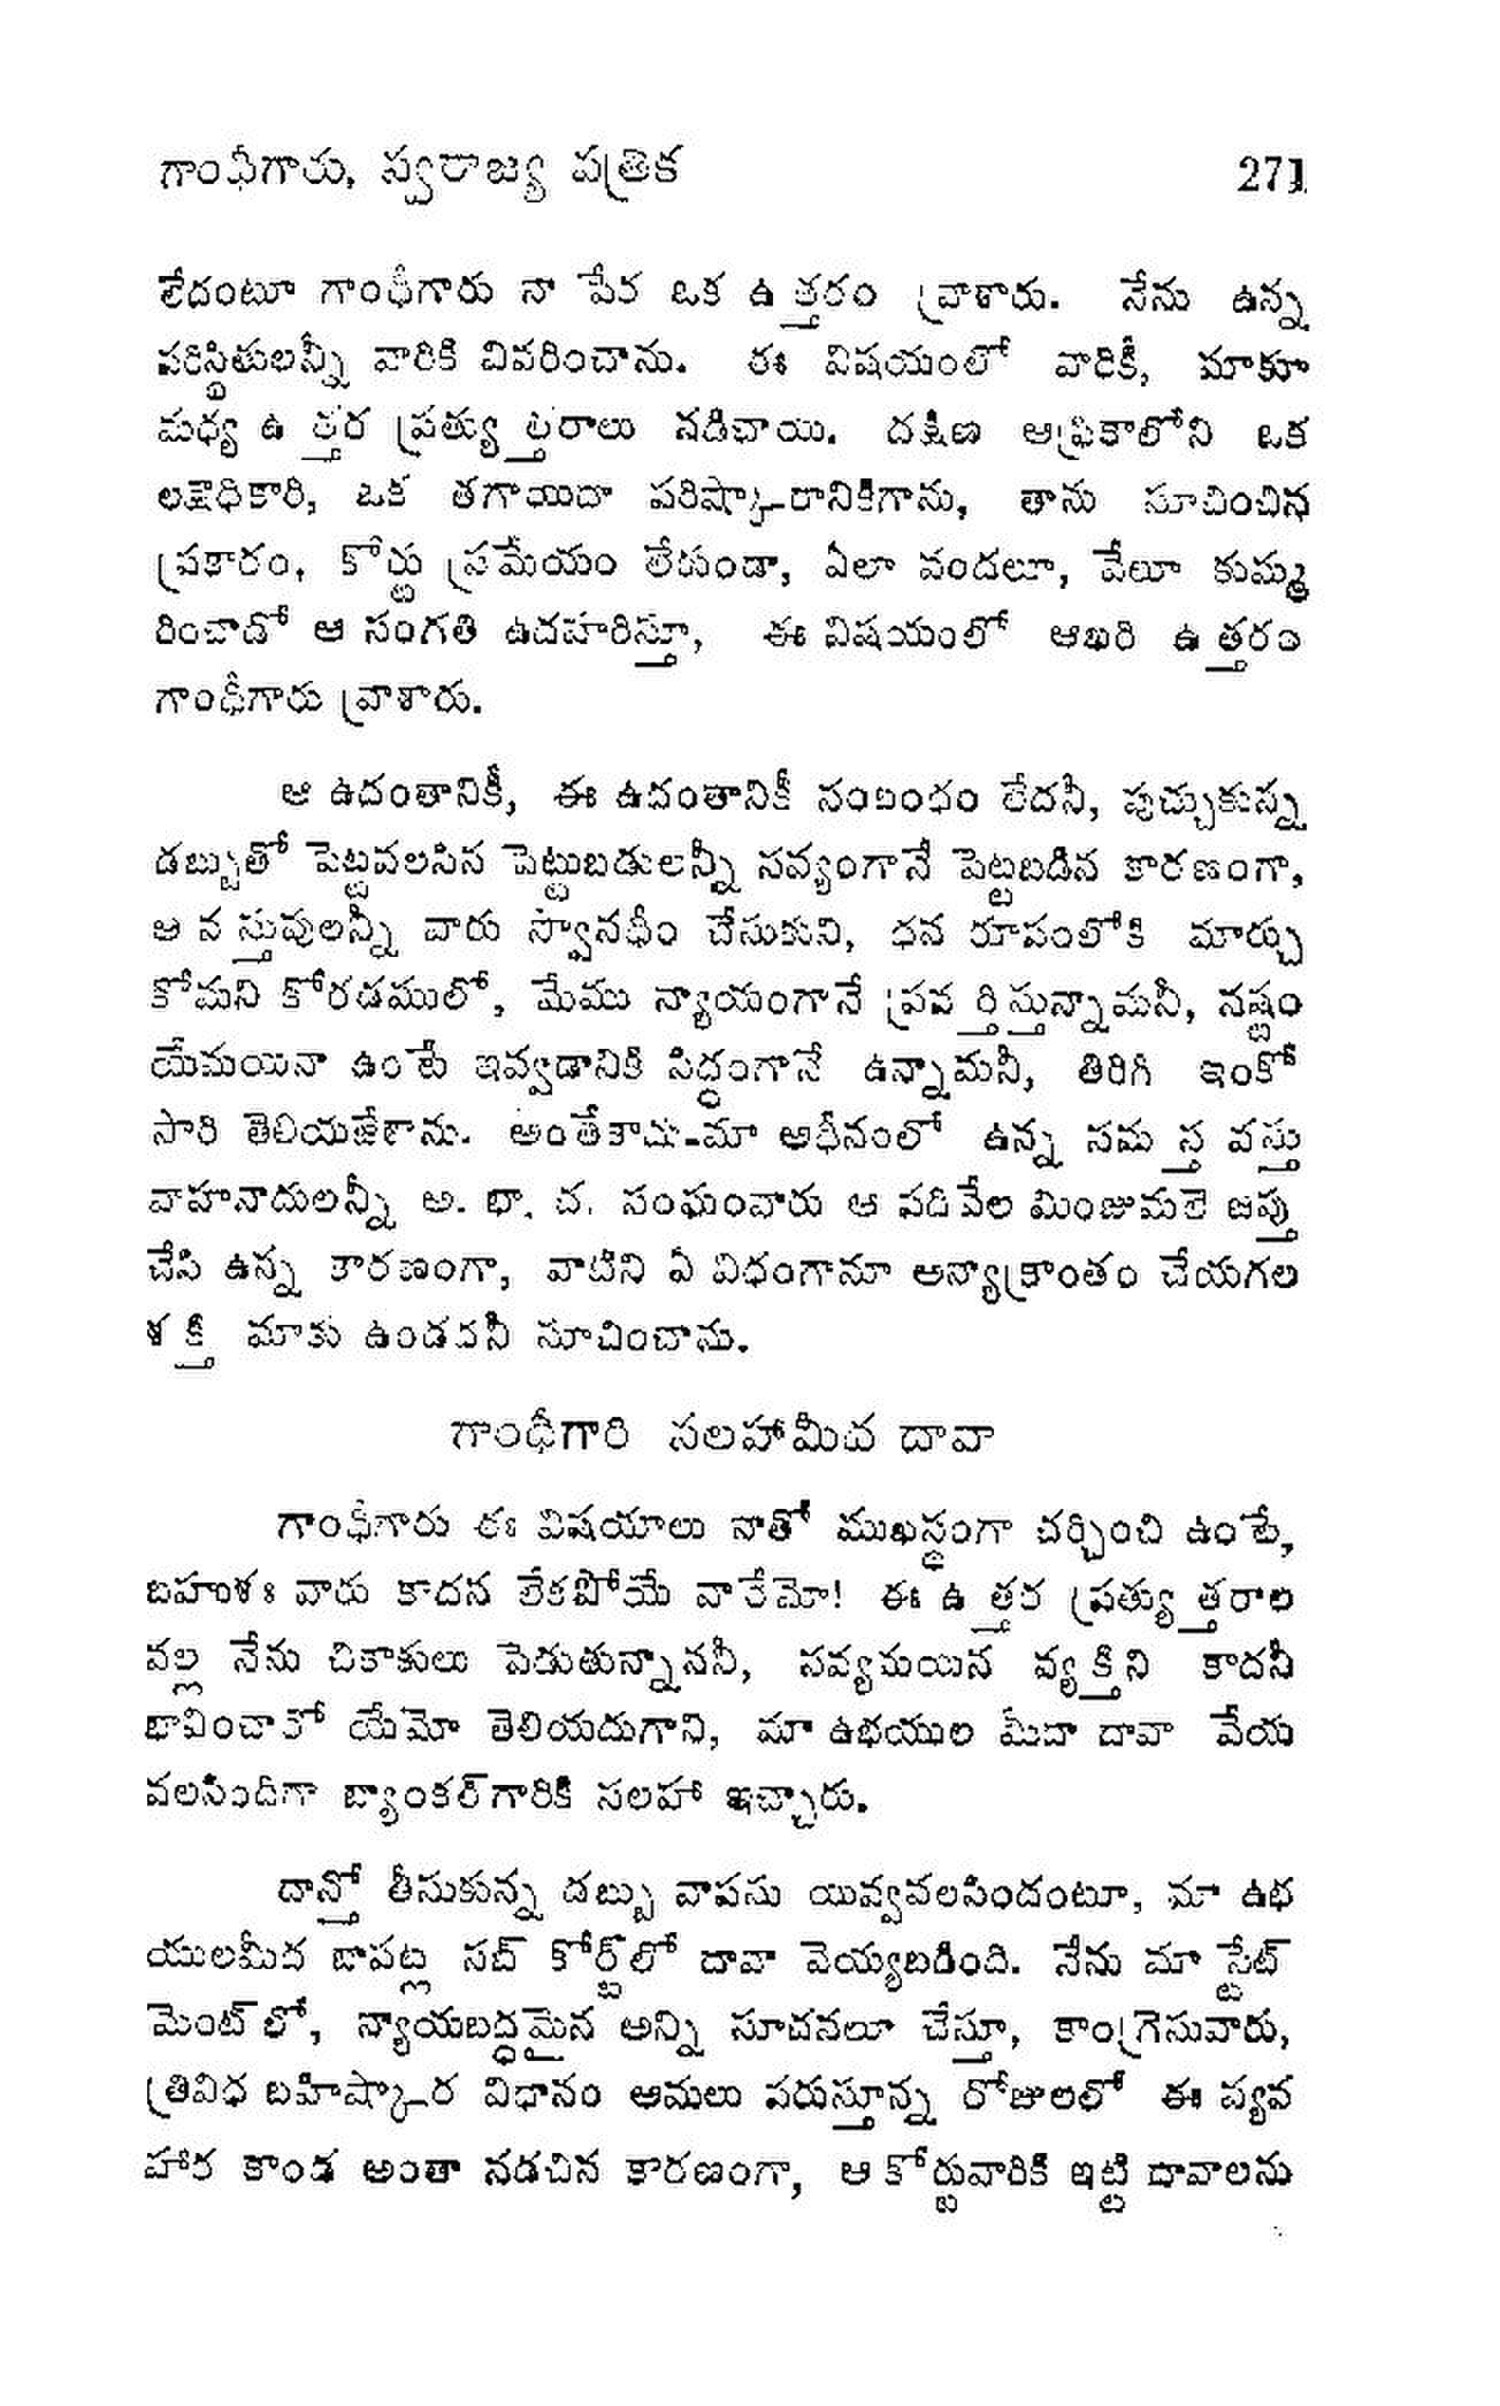లేదంటూ గాంధీగారు నా పేర ఒక ఉత్తరం వ్రాశారు. నేను ఉన్న పరిస్థితులన్నీ వారికి వివరించాను. ఈ విషయంలో వారికీ, మాకూ మధ్య ఉత్తర ప్రత్యుత్తరాలు నడిచాయి. దక్షిణ ఆఫ్రికాలోని ఒక లక్షాధికారి, ఒక తగాయిదా పరిష్కారానికిగాను, తాను సూచించిన ప్రకారం, కోర్టు ప్రమేయం లేకుండా, ఏలా వందలూ, వేలూ కుమ్మరించాడో ఆ సంగతి ఉదహరిస్తూ, ఈ విషయంలో ఆఖరి ఉత్తరం గాంధీగారు వ్రాశారు.

ఆ ఉదంతానికీ, ఈ ఉదంతానికీ సంబంధం లేదనీ, పుచ్చుకున్న డబ్బుతో పెట్టవలసిన పెట్టుబడులన్నీ సవ్యంగానే పెట్టబడిన కారణంగా, ఆ వస్తువులన్నీ వారు స్వాధీనం చేసుకుని, ధన రూపంలోకి మార్చుకోమని కోరడములో, మేము న్యాయంగానే ప్రవర్తిస్తున్నామనీ, నష్టం యేమయినా ఉంటే ఇవ్వడానికి సిద్దంగానే ఉన్నామనీ, తిరిగి ఇంకోసారి తెలియజేశాను. అంతేకాదు- మా అధీనంలో ఉన్న సమస్త వస్తు వాహనాదులన్నీ అ. భా. చ. సంఘంవారు ఆ పదివేల మింజుమలె జప్తుచేసి ఉన్న కారణంగా, వాటిని ఏ విధంగానూ అన్యాక్రాంతం చేయగల శక్తి మాకు ఉండదనీ సూచించాను.

గాంధీగారు ఈ విషయాలు నాతో ముఖస్థంగా చర్చించి ఉంటే, బహుశ:వారు కాదన లేకపోయే వారేమో! ఈ ఉత్తర ప్రత్యుత్తరాల వల్ల నేను చికాకులు పెడుతున్నాననీ, సవ్యమయిన వ్యక్తిని కాదనీ భావించారో యేమో తెలియదుగాని, మాఉభయుల మీద దావా వేయ వలసిందిగా బ్యాంకర్‌గారికి సలహా ఇచ్చారు.

దాన్తో తీసుకున్న డబ్బు వాపసు యివ్వవలసిందంటూ, మా ఉభయులమీద బాపట్ల సబ్ కోర్ట్‌లో దావా వెయ్యబడింది. నేను మా స్టేట్ మెంట్‌లో, న్యాయబద్దమైన అన్ని సూచనలూ చేస్తూ, కాంగ్రెసువారు, త్రివిధ బహిష్కార విధానం అమలు పరుస్తూన్న రోజులలో ఈ వ్యవహార కాండ అంతా నడచిన కారణంగా, ఆ కోర్టువారికి ఇట్టి దావాలను